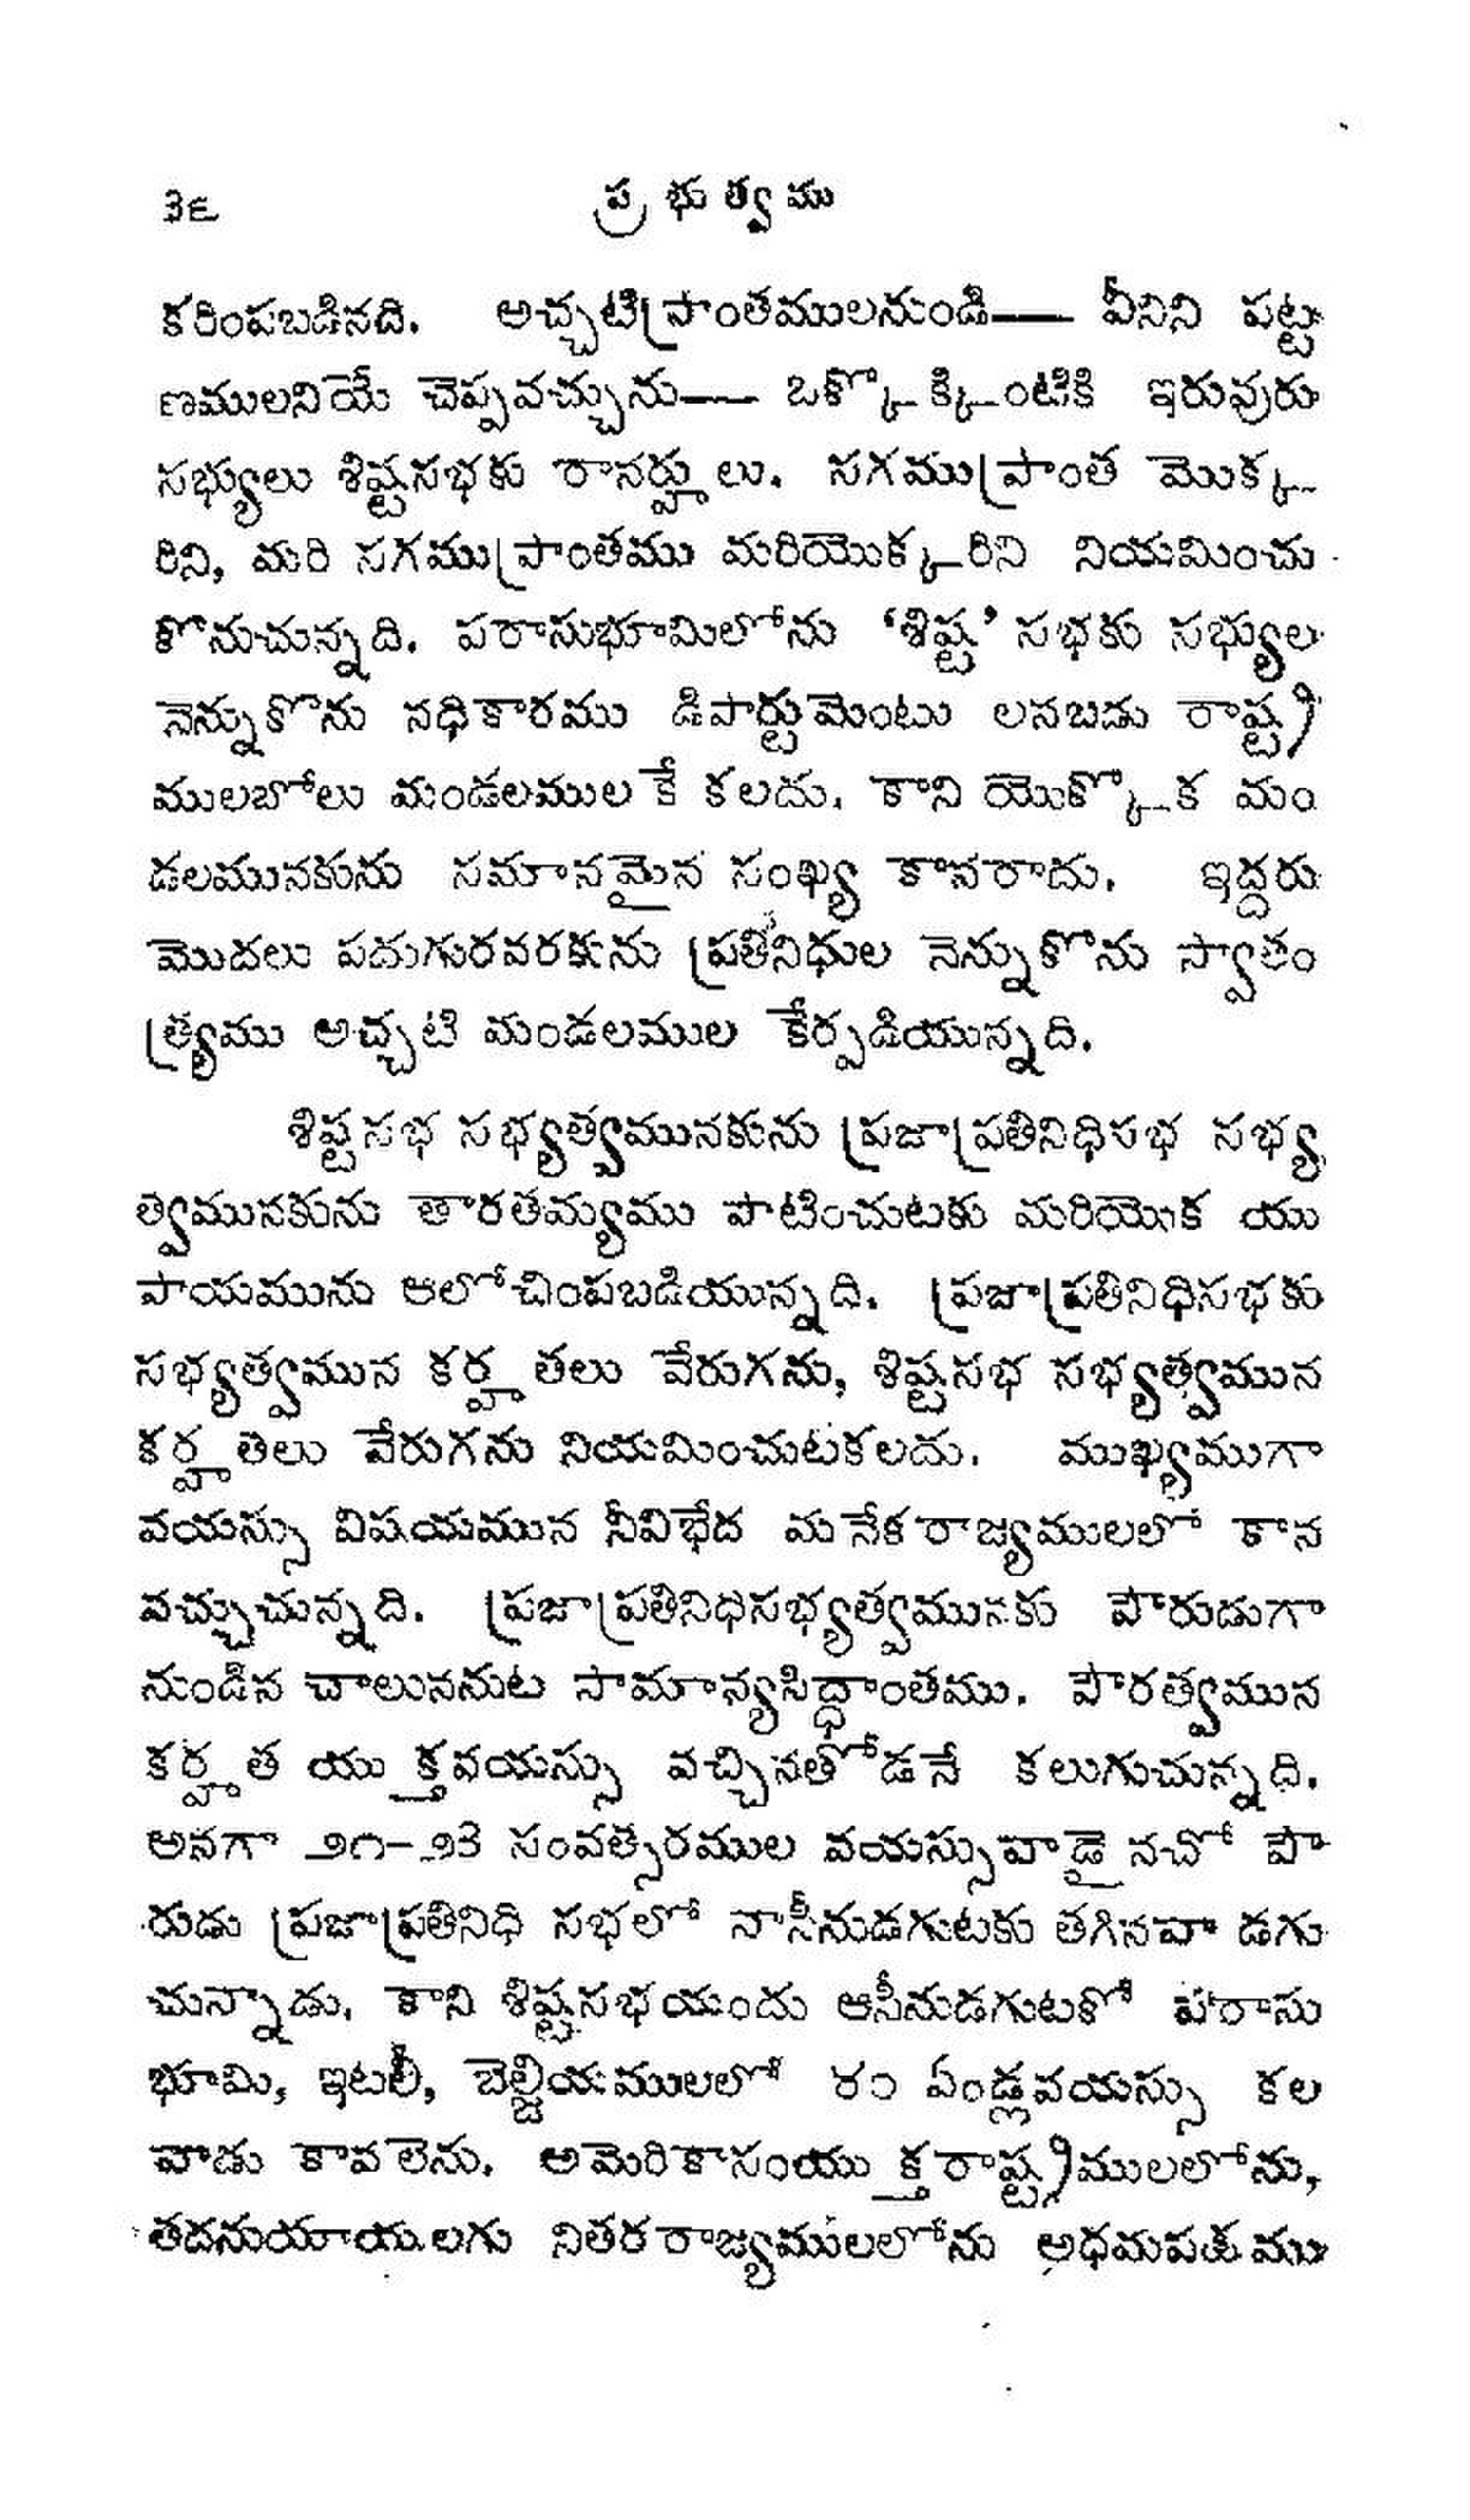కరింపబడినది. అచ్చటిప్రాంతములనుండి — వీనిని పట్టణములనియే చెప్పవచ్చును. ఒక్కొక్కింటికి ఇరువురు సభ్యులు శిష్టసభకు రానర్హులు. సగముప్రాంత మొక్కరిని, మరి సగముప్రాంతము మరియొక్కరిని నియమించుకొనుచున్నది. పరాసుభూమిలోను 'శిష్ట' సభకు సభ్యుల నెన్నుకొను నధికారము డిపార్టుమెంటు లనబడు రాష్ట్రములబోలు మండలముల కే కలదు. కాని యొక్కొక మండలమునకును సమానమైన సంఖ్య కానరాదు. ఇద్దరు మొదలు పదుగురవరకును ప్రతినిధుల నెన్నుకొను స్వాతంత్ర్యము అచ్చటి మండలముల కేర్పడియున్నది.

శిష్టసభ సభ్యత్వమునకును ప్రజాప్రతినిధిసభ సభ్యత్వమునకును తారతమ్యము పాటించుటకు మరియొక యుపాయమును ఆలోచింపబడియున్నది. ప్రజాప్రతినిధిసభకు సభ్యత్వమున కర్హతలు వేరుగను, శిష్టసభ సభ్యత్వమున కర్హతలు వేరుగను నియమించుటకలదు. ముఖ్యముగా వయస్సు విషయమున నీవిభేద మనేకరాజ్యములలో కానవచ్చుచున్నది. ప్రజా ప్రతినిధిసభ్యత్వమునకు పౌరుడుగా నుండిన చాలుననుట సామాన్యసిద్ధాంతము. పౌరత్వమున కర్హత యుక్తవయస్సు వచ్చినతోడనే కలుగుచున్నది. అనగా 21-23 సంవత్సరముల వయస్సువాడైనచో పౌరుడు ప్రజాప్రతినిధి సభలో నాసీనుడగుటకు తగినవా డగుచున్నాడు. కాని శిష్టసభయందు ఆసీనుడగుటకో పరాసు
భూమి, ఇటలీ, బెల్జియములలో 40 ఏండ్లవయస్సు కలవాడు కావలెను. అమెరికాసంయుక్త రాష్ట్రములలోను, తదనుయాయులగు నితరరాజ్యములలోను అధమపక్షము